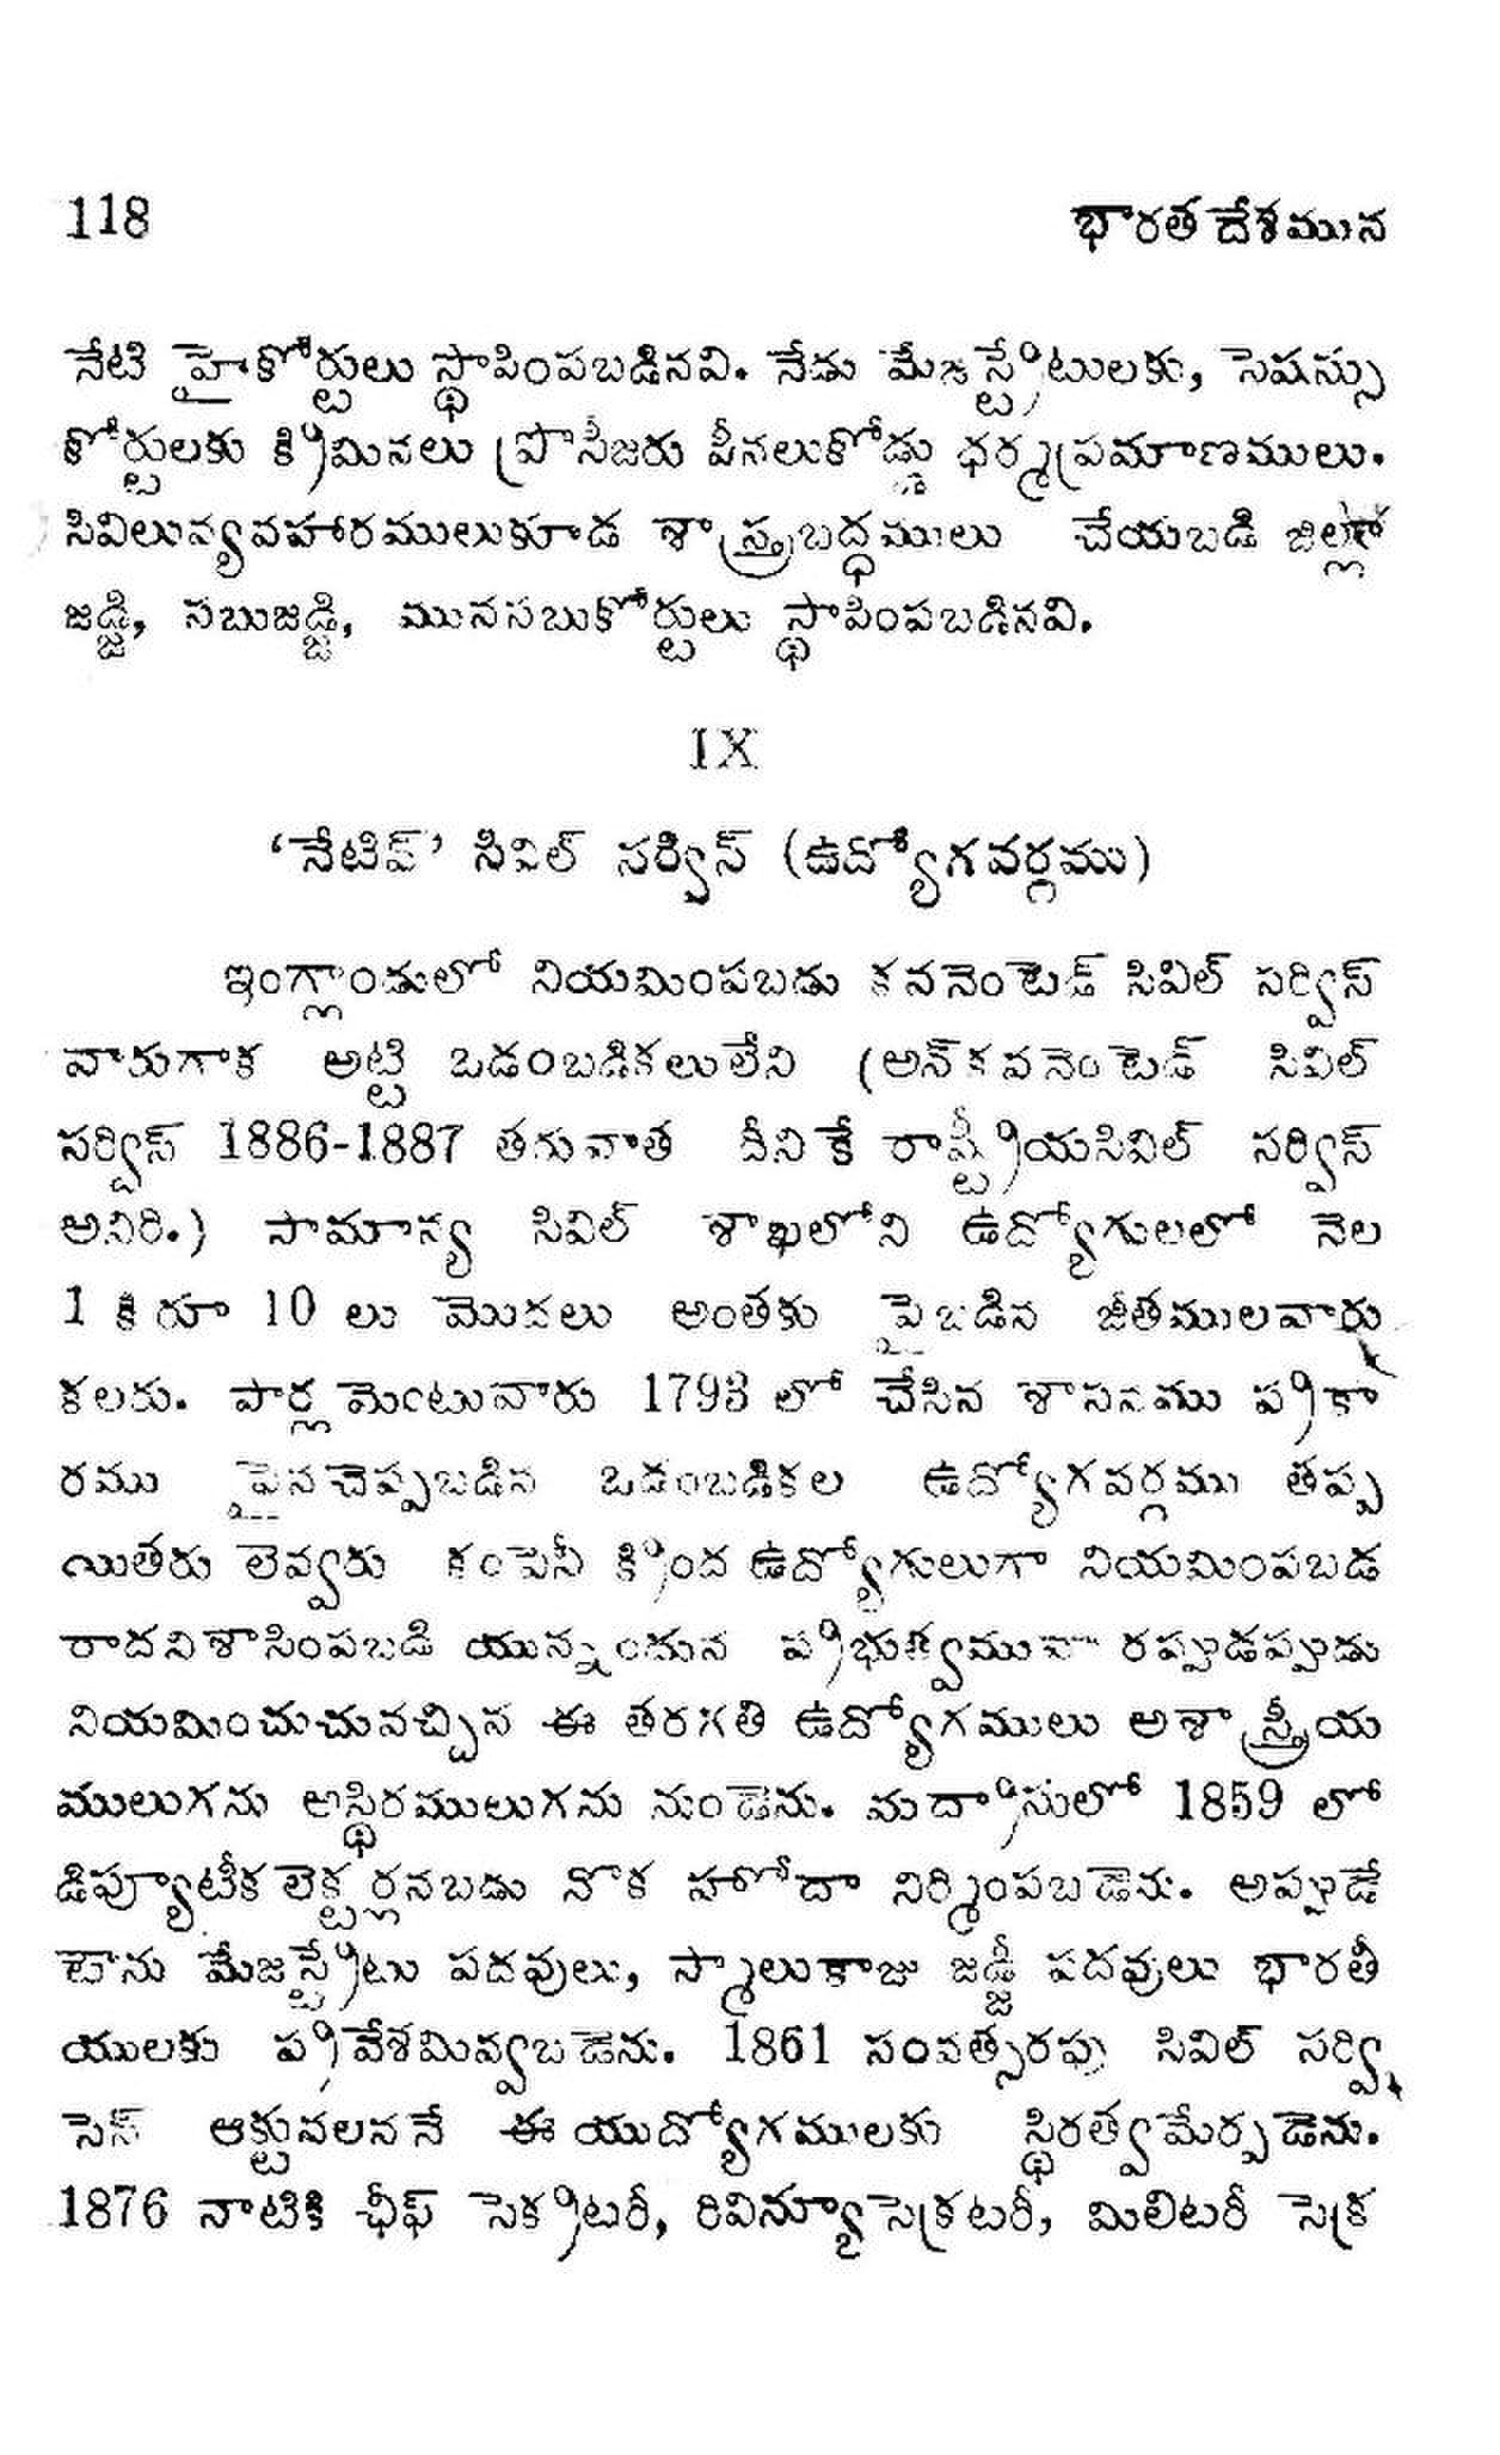నేటి హైకోర్టులు స్థాపింపబడినవి. నేడు మేజస్ట్రేటులకు, సెషన్సు కోర్టులకు క్రిమినలు ప్రొసీజరు పీనలుకోడ్డు ధర్మప్రమాణములు, సివిలువ్యవహారములుకూడ శాస్త్రబద్దములు చేయబడి జిల్లాజడ్జి, సబుజడ్జి, మునసబుకోర్టులు స్థాపింపబడినవి.

IX
'నేటివ్' సివిల్ సర్వీస్ (ఉద్యోగవర్గము )

ఇంగ్లాండులో నియమింపబడు కవనెంటెడ్ సివిల్‌సర్వీస్‌వారుగాక అట్టి ఒడంబడికలులేని (అన్‌కవనెంటెడ్ సివిల్ సర్విస్ 1886-1887 తరువాత దీనికే రాష్ట్రీయసివిల్ సర్వీస్ అనిరి.) సామాన్య సివిల్ శాఖలోని ఉద్యోగులలో నెల 1 కి రూ 10 లు మొదలు అంతకు పై బడిన జీతములవారు కలరు. పార్లమెంటువారు 1793 లో చేసిన శాసనము ప్రకారము పైనచెప్పబడిన ఒడంబడికల ఉద్యోగవర్గము తప్ప యితరు లెవ్వరు. కంపెనీ క్రింద ఉద్యోగులుగా నియమింపబడ రాదని శాసింపబడి యున్నందున ప్రభుత్వమువా రప్పుడప్పుడు నియమించుచునచ్చిన ఈ తరగతి ఉద్యోగములు అశాస్త్రీయములుగను ఆస్థిరములుగను నుండెను. మద్రాసులో 1859 లో డిప్యూటీక లెక్టర్లనబడు నొక హోదా నిర్మింపబడెను. అప్పుడే టౌను మేజస్ట్రేటు పదవులు, స్మాలుకాజు జడ్జీ పదవులు భారతీయులకు ప్రవేశమివ్వబడెను. 1861 సంవత్సరపు సివిల్ సర్విసెస్ ఆక్టువలననే ఈ యుద్యోగములకు స్థిరత్వమేర్పడెను. 1876 నాటికి చీఫ్ సెక్రటరీ, రివిన్యూ సెక్రటరీ, మిలిటరీ సెక్ర